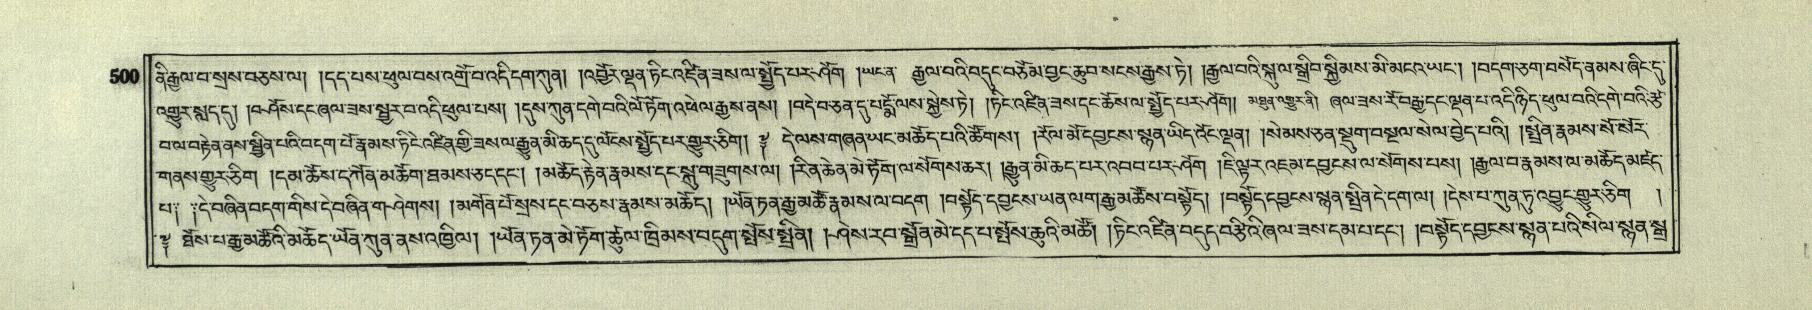ནི་རྒྱལ་བ་སྲས་བཅས་ལ། །དད་པས་ཕུལ་བས་འགྲོ་བ་འདི་དག་ཀུན། །འབྱོར་ལྡན་ཏིང་འཛིན་ཟས་ལ་སྤྱོད་པར་ཤོག ། ཡང་ན་རྒྱལ་བའི་བདུང་བཅོམ་བྱང་ཆུབ་སངས་རྒྱས་ཏེ། །རྒྱལ་བའི་སྐུ་ལ་སྒྲིབ་སྐྱིམས་མི་མངའ་ཡང་། །བདག་ཅག་བསོད་ནམས་ཞིང་དུ་
འགྱུར་སླད་དུ། །བཤོས་དང་ཞལ་ཟས་སྦྱར་བ་འདི་ཕུལ་པས། །དུས་ཀུན་དགེ་བའི་ལོ་ཏོག་འཕེལ་རྒྱས་ནས། །བདེ་བ་ཅན་དུ་པདམོ་ལས་སྐྱེས་ཏེ། །ཏིང་འཛིན་ཟས་དང་ཆོས་ལ་སྤྱོད་པར་ཤོག། མཐུན་འགྱུར་ནི།  ཞལ་ཟས་རོ་བརྒྱ་དང་ལྡན་པ་འདི་ཉིད་ཕུལ་བའི་དགེ་བའི་རྩ་
བ་ལ་བརྟེན་ནས་སྦྱིན་པའི་བདག་པོ་རྣམས་ཏིངེ་འཛིན་གྱི་ཟས་ལ་རྒྱུན་མི་ཆད་དུ་ལོངས་སྤྱོད་པར་གྱུར་ཅིག། འ་དེ་ལས་གཞན་ཡང་མཆོད་པའི་ཚོགས། །རོལ་མོ་དབྱངས་སྙན་ཡིད་འོང་ལྡན། །སེམས་ཅན་སྡུག་བསྔལ་སེལ་བྱེད་པའི། །སྤྲིན་རྣམས་སོ་སོར་
གནས་གྱུར་ཅིག །དམ་ཆོས་དཀོན་མཆོག་ཐམས་ཅད་དང་། །མཆོད་རྟེན་རྣམས་དང་སྐུ་གཟུགས་ལ། །རིན་ཆེན་མེ་ཏོག་ལ་སོགས་ཆར། །རྒྱུན་མི་ཆད་པར་འབབ་པར་ཤོག །ཇི་ལྟར་འཇམ་དབྱངས་ལ་སོགས་པས། །རྒྱལ་བ་རྣམས་ལ་མཆོད་མཛད་
པ༑ ༑དེ་བཞིན་བདག་གིས་དེ་བཞིན་གཤེགས། །མགོན་པོ་སྲས་དང་བཅས་རྣམས་མཆོད། །ཡོན་ཏན་རྒྱ་མཚོ་རྣམས་ལ་བདག །བསྟོད་དབྱངས་ཡན་ལག་རྒྱ་མཚོས་བསྟོད། །བསྟོད་དབྱངས་སྙན་སྤྲིན་དེ་དག་ལ། །དེས་པ་ཀུན་ཏུ་འབྱུང་གྱུར་ཅིག །
འ་ཐོས་པ་རྒྱ་མཚོའི་མཆོད་ཡོན་ཀུན་ནས་འཁྱིལ། །ཡོན་ཏན་མེ་ཏོག་ཚུལ་ཁྲིམས་བདུག་སྤོས་སྤྲིན། །ཤེས་རབ་སྒྲོན་མེ་དད་པ་སྤོས་ཆུའི་མཚོ། །ཏིང་འཛིན་བདུད་བརྩིའི་ཞལ་ཟས་དམ་པ་དང་། །བསྟོད་དབྱངས་སྙན་པའི་སིལ་སྙན་སྒྲ་